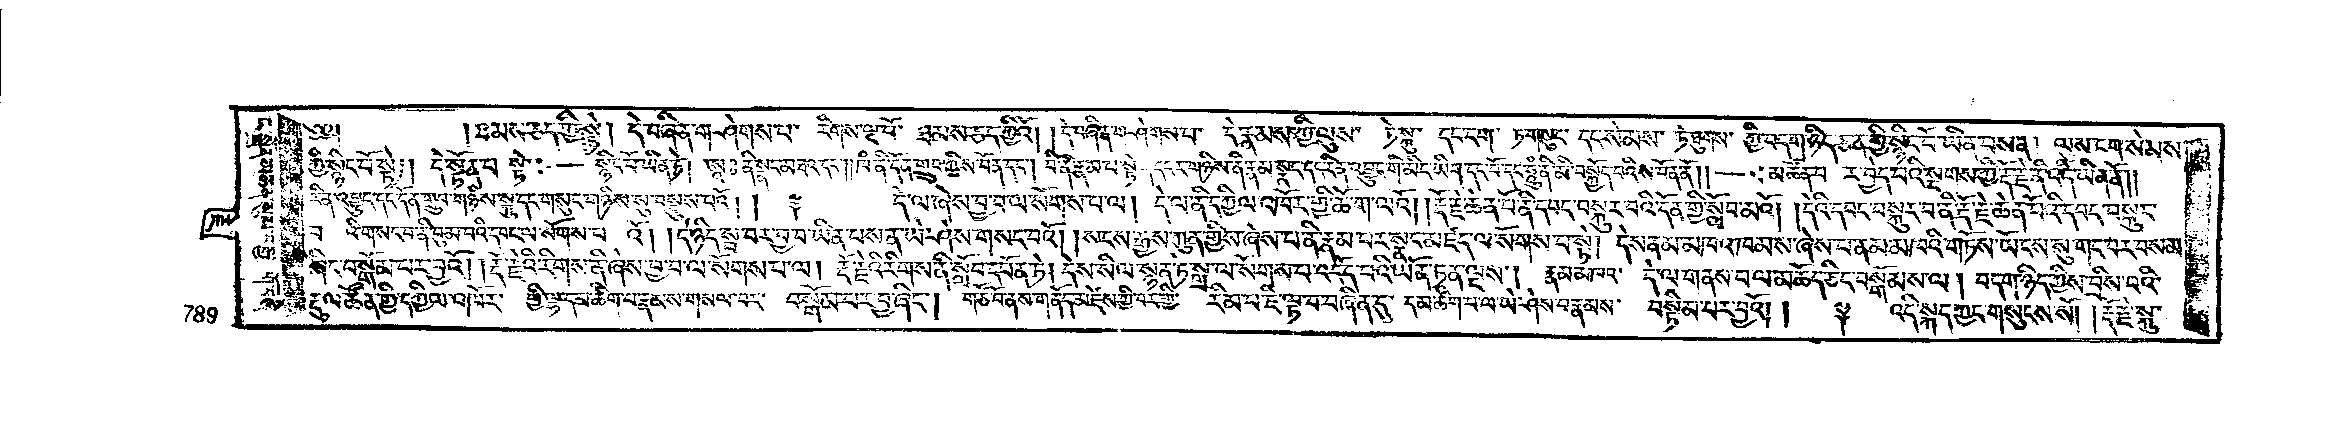༄༅། །ཐམས་ཅད་ཀྱི་སྟེ། དེ་བཞིན་གཤེགས་པ་རིགས་ལྔ་པོ་ཐམས་ཅད་ཀྱིའོ། ། དེ་བཞིན་གཤེགས་པ་དེ་རྣམས་ཀྱི་ལུས་ཏེ་སྐུ་དང་ངག་ཏ་གསུང་དང་སེམས་ཏེ་ཐུགས་ཀྱི་བདག་ཉིད་ཅན་གྱི་སྙིང་པོ་ཡིན་པས་ན། ལུས་ངག་སེམས་
ཀྱི་སྙིང་པོ་སྟེ། དེ་སྟོན་པ་སྟེ་H.་སྙིང་པོ་ཡིན་ཏེ། ཨཱཿ ནི་སྣང་མཐའ་དང་། །ཁོ་ན་དོན་གྲུབ་གྱི་ས་བོན་དང་། བི་ནི་རྣམ་པ་སྟེ་དེ་དང་ར་གཉིས་ནི་རྣམ་སྣང་དང་རིན་འབྱུང་གི་མིང་ཡིག་དང་པོ་དང་ཧཱུཾ་ནི་མི་བསྐྱོད་པའི་ས་བོན་ནོ།། .H མཚོན་པར་བྱེད་པའི་སྔགས་ཀྱི་རྡོ་རྗེ་ནི་འདི་ཡིན་ནོ།།
རིན་འབྱུང་དང་དོན་གྲུབ་གཉིས་སྐུ་དང་གསུང་གཉིས་སུ་བསྡུས་པའོ།། ༈ དེ་ལ་ཞེས་བྱ་བ་ལ་སོགས་པ་ལ། དེ་ལ་ནི་དཀྱིལ་འཁོར་གྱི་ཆོ་ག་ལའོ། །རྡོ་རྗེ་ཆེན་པོ་ནི་དབང་བསྐུར་བའི་དོན་གྱི་སློབ་མའོ། །དེའི་དབང་བསྐུར་བ་ནི་རྡོ་རྗེ་ཆེན་པོའི་དབང་བསྐུར་
བའི་གསང་བ་ནི་བུམ་པའི་དབང་ལ་སོགས་པའོ། །དེ་ཉིད་སྦ་བར་བྱ་བ་ཡིན་པས་ན་ཡེ་ཤེས་གསང་བའོ། །སངས་རྒྱས་ཀུན་གྱིས་ཞེས་པ་ནི་རྣམ་པར་སྣང་མཛད་ལ་སོགས་པ་སྟེ། དེས་ནམ་མཁའ་ཁམས་ཞས་པ་ནམ་མཁའི་གཏོས་ཡོངས་སུ་གང་བར་བསམ་
ཞིང་བསྒོམ་པར་བྱའོ། །རྡོ་རྗེའི་རིགས་ནི་ཞེས་བྱ་བ་ལ་སོགས་པ་ལ། རྡོ་རྗེའི་རིགས་ནི་སློབ་དཔོན་ཏེ། དེས་སིལ་སྙན་ཏེ་སྒྲ་ལ་སོགས་པ་འདོད་པའི་ཡོན་ཏན་ལྔས། རྣམ་མཁའ་དེ་ལ་གནས་པ་ལ་མཆོད་ཅིང་བསྒོམས་ལ། བདག་ཉིད་ཀྱིས་བྲིས་པའི་
རྡུལ་ཚོན་གྱི་དཀྱིལ་འཁོར་གྱི་ལྷ་དམ་ཚིག་པ་རྣམས་གསལ་བར་བསྒོམ་པར་བྱ་ཞིང་། གཙོ་བོ་ནས་གནོད་མཛེས་ཀྱི་བར་གྱི་རིམ་པ་ཇི་ལྟ་བ་བཞིན་དུ་དམ་ཚིག་པ་ལ་ཡེ་ཤེས་པ་རྣམས་བསྟིམ་པར་བྱའོ། ། ༈ འདི་སྐད་ཀྱང་གསུངས་སོ། །རྡོ་རྗེ་སྐུ་